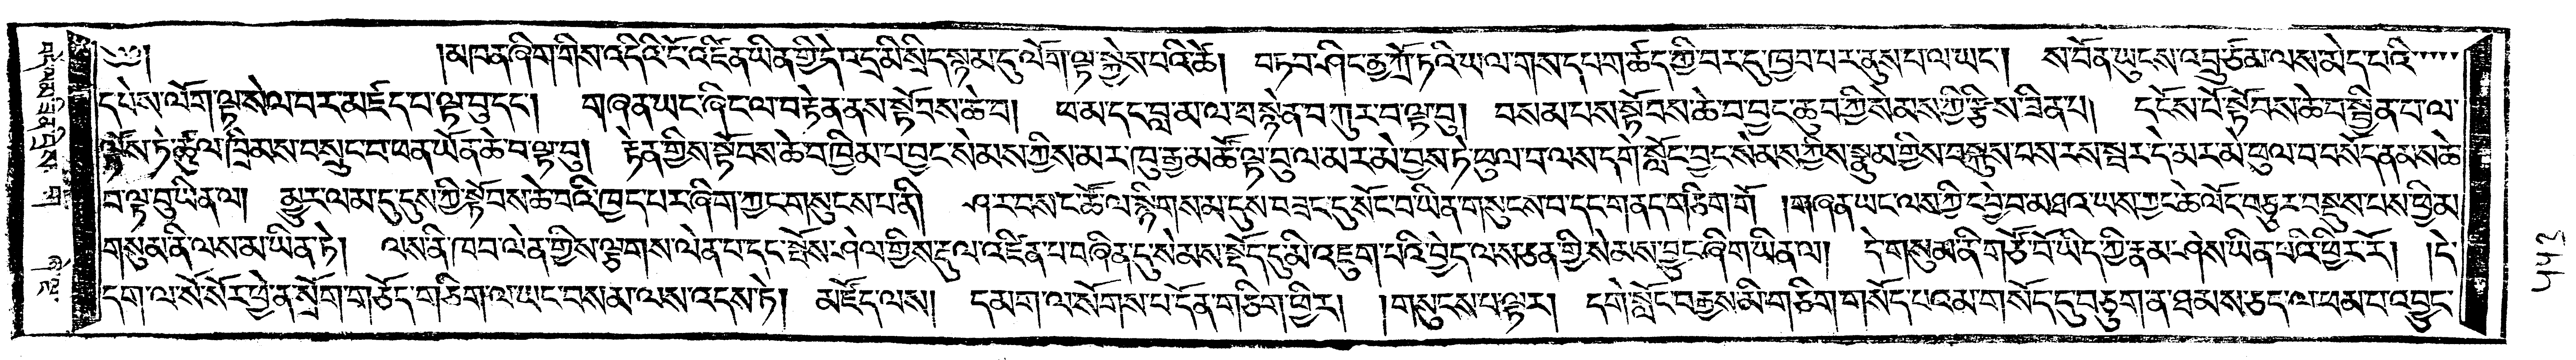༄༅། །མཁན་ཞིག་གིས་འདིའི་ངོ་འཛིན་ཡིན་གྱི་དེ་འདྲ་མི་སྲིད་སྙམ་དུ་ལོག་ལྟ་སྐྱེས་བའི་ཚེ། བཏབ་ཤིང་ནྱ་ཀྲོ་ཏའི་ཡལ་གས་དཔག་ཚད་ཀྱི་བར་དུ་ཁྱབ་པར་ནུས་པ་ལ་ཡང་། ས་བོན་ཡུངས་འབྲུ་ཙམ་ལས་མེད་པའི་
དཔེས་ལོག་ལྟ་སེལ་བར་མཛད་པ་ལྟ་བུ་དང་། གཞན་ཡང་ཞིང་ལ་བརྟེན་ནས་སྟོབས་ཆེ་བ། ཕ་མ་དང་བླ་མ་ལ་བསྙེན་བཀུར་བ་ལྟ་བུ། བསམ་པས་སྟོབས་ཆེ་བ་བྱང་ཆུབ་ཀྱི་སེམས་ཀྱི་རྩིས་ཟིན་པ། དངོས་པོ་སྟོབས་ཆེ་བ་སྦྱིན་པ་ལ་
ལྟོས་ཏེ་ཚུལ་ཁྲིམས་བསྲུང་བ་ཕན་ཡོན་ཆེ་བ་ལྟ་བུ། རྟེན་གྱིས་སྟོབས་ཆེ་བ་ཁྱིམ་པ་བྱང་སེམས་ཀྱིས་མར་ཁུ་རྒྱ་མཚོ་ལྟ་བུ་ལ་མར་མེ་བྱས་ཏེ་ཕུལ་བ་ལས་དགེ་སློང་བྱང་སེམས་ཀྱིས་སྣུམ་གྱིས་བསྐུས་པས་རས་སྦར་དེ་མར་མེ་ཕུལ་བ་བསོད་ནམས་ཆེ་
བ་ལྟ་བུ་ཡིན་ལ། མྱུར་ལམ་དུ་དུས་ཀྱི་སྟོབས་ཆེ་བའི་ཁྱད་པར་ཞིག་ཀྱང་གསུངས་པ་ནི། ཤར་བས་ང་ཚོ་ལ་སྙིགས་མ་དུས་བཟང་དུ་སོང་བ་ཡིན་གསུངས་པ་དང་གནད་གཅིག་གོ །གཞན་ཡང་ལས་ཀྱི་དབྱེ་བ་མཐའ་ཡས་ཀྱང་ཆེ་ལོང་བཅུར་བསྡུས་པས་ཕྱི་མ་
གསུམ་ནི་ལས་མ་ཡིན་ཏེ། ལས་ནི་ཁབ་ལེན་གྱིས་ལྕགས་ལེན་པ་དང་སྤོས་ཤེལ་གྱིས་རྡུལ་འཛིན་པ་བཞིན་དུ་སེམས་སྡོད་དུ་མི་འཇུག་པའི་བྱེད་ལས་ཅན་གྱི་སེམས་བྱུང་ཞིག་ཡིན་ལ། དེ་གསུམ་ནི་གཙོ་བོ་ཡིད་ཀྱི་རྣམ་ཤེས་ཡིན་པའི་ཕྱིར་རོ། །དེ་
དག་ལ་སོ་སོར་ཕྱེ་ན་སྲོག་གཅོད་གཅིག་ལ་ཡང་བསམ་ལས་འདས་ཏེ། མཛོད་ལས། དམག་ལ་སོགས་པ་དོན་གཅིག་ཕྱིར། །གསུངས་པ་ལྟར། དགེ་སློང་བརྒྱས་མི་གཅིག་གསོད་པའམ་གསོད་དུ་བཅུག་ན་ཐམས་ཅད་ལ་ཕམ་པ་འབྱུང་